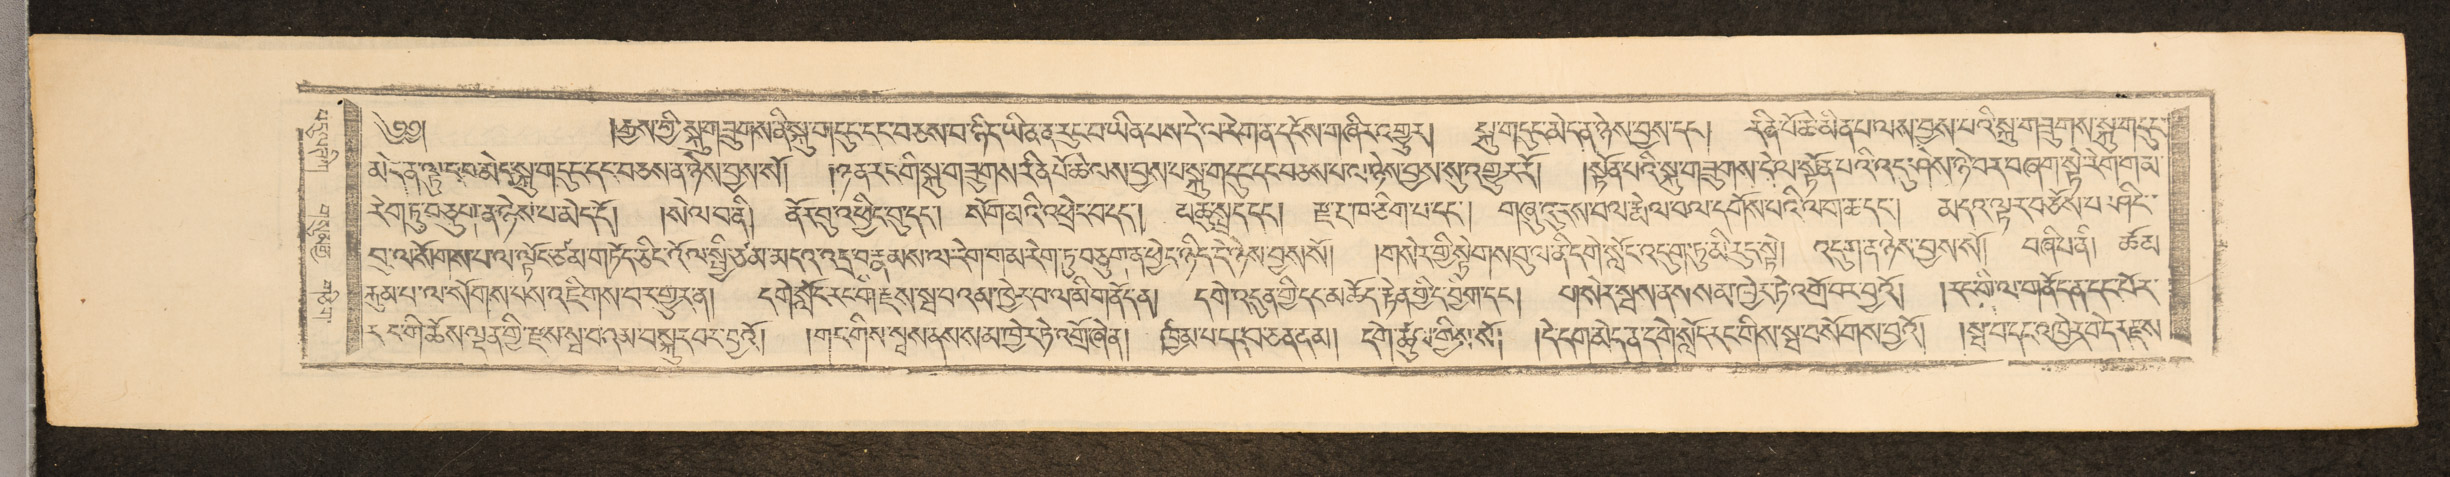༄༅། །རྒྱས་ཀྱི་སྐུ་གཟུགས་ནི་སྐུ་གདུང་དང་བཅས་པ་ཉིད་ཡིན་ན་རུང་བ་ཡིན་པས་དེ་ལ་རེག་ན་དངོས་གཞིར་འགྱུར། སྐུ་གདུང་མེད་ན་ཉེས་བྱས་དང་། རིན་པོ་ཆེ་མིན་པ་ལས་བྱས་པའི་སྐུ་གཟུགས་སྐུ་གདུང་
མེད་ན་ལྟུང་པ་མེད་སྐུ་གདུང་དང་བཅས་ན་ཉེས་བྱས་སོ། །ཉན་རང་གི་སྐུ་གཟུགས་རིན་པོ་ཆེ་ལས་བྱས་པ་སྐུ་གདུང་དང་བཅས་པ་ལ་ཉེས་བྱས་སུ་འགྱུར་རོ། །སྟོན་པའི་སྐུ་གཟུགས་དེ་ལ་སྟོན་པའི་འདུ་ཤེས་ཉེ་བར་བཞག་སྟེ་རེག་གམ་
རེག་ཏུ་བཅུག་ན་ཉེས་པ་མེད་དོ། །སེལ་པ་ནི། ནོར་བུ་འཕྱིང་བུ་དང་། སོག་མའི་འཕྲེང་བ་དང་། མཆུ་སྤྲད་དང་། རྫ་རྔ་ཁ་ཅིག་པ་དང་། གཞུའུ་རས་བལ་རྨེལ་བ་ལ་དགོས་པའི་ལག་ཆ་དང་། མདའ་ལྟར་བཅོས་པ་ཤིང་
བུ་ལ་སོགས་པ་ལ་ལྟོང་ཙམ་གཏོད་ཅིང་འོལ་སྤྱི་ཙམ་མདའ་འདྲ་བ་རྣམས་ལ་རག་གམ་རེག་ཏུ་བཅུག་ན་ཕྱེད་ཉིད་དེ་ཉེས་བྱས་སོ། །གསེར་གྱི་སྟེགས་བུ་ལ་ནི་དགེ་སློང་འདུག་ཏུ་མི་རུང་སྟེ། འདུག་ན་ཉེས་བྱས་སོ། བཞི་པ་ནི། ཆོམ་
རྐུན་པ་ལ་སོགས་པས་འཇིགས་པར་གྱུར་ན། དགེ་སློང་རང་གི་རྫས་སྦ་བའམ་ཁྱེར་བ་ལ་མི་གནོད་ན། དགེ་འདུན་གྱི་དང་མཆོད་རྟེན་གྱི་དབྱིག་དང་། གསེར་སྦས་ནས་སམ་ཁྱེར་ཏེ་འགྲོ་བར་བྱའོ། །རང་གི་ལ་གནོད་ན་དང་པོར་
རང་གི་ཆོས་ལྡན་གྱི་རྫས་སྦ་བའམ་བསྐུར་བར་བྱའོ། །གང་གིས་སྦས་ནས་སམ་ཁྱེར་ཏེ་འགྲོ་ཞེ་ན། ཁྱིམ་པ་དད་པ་ཅན་ནམ། དགེ་ཚུལ་གྱིས་སོ། །དེ་དག་མེད་ན་དགེ་སློང་རང་གིས་སྦ་བ་སོགས་བྱའོ། །སྦ་བ་དང་འཁྱེར་བ་དར་རྫས་